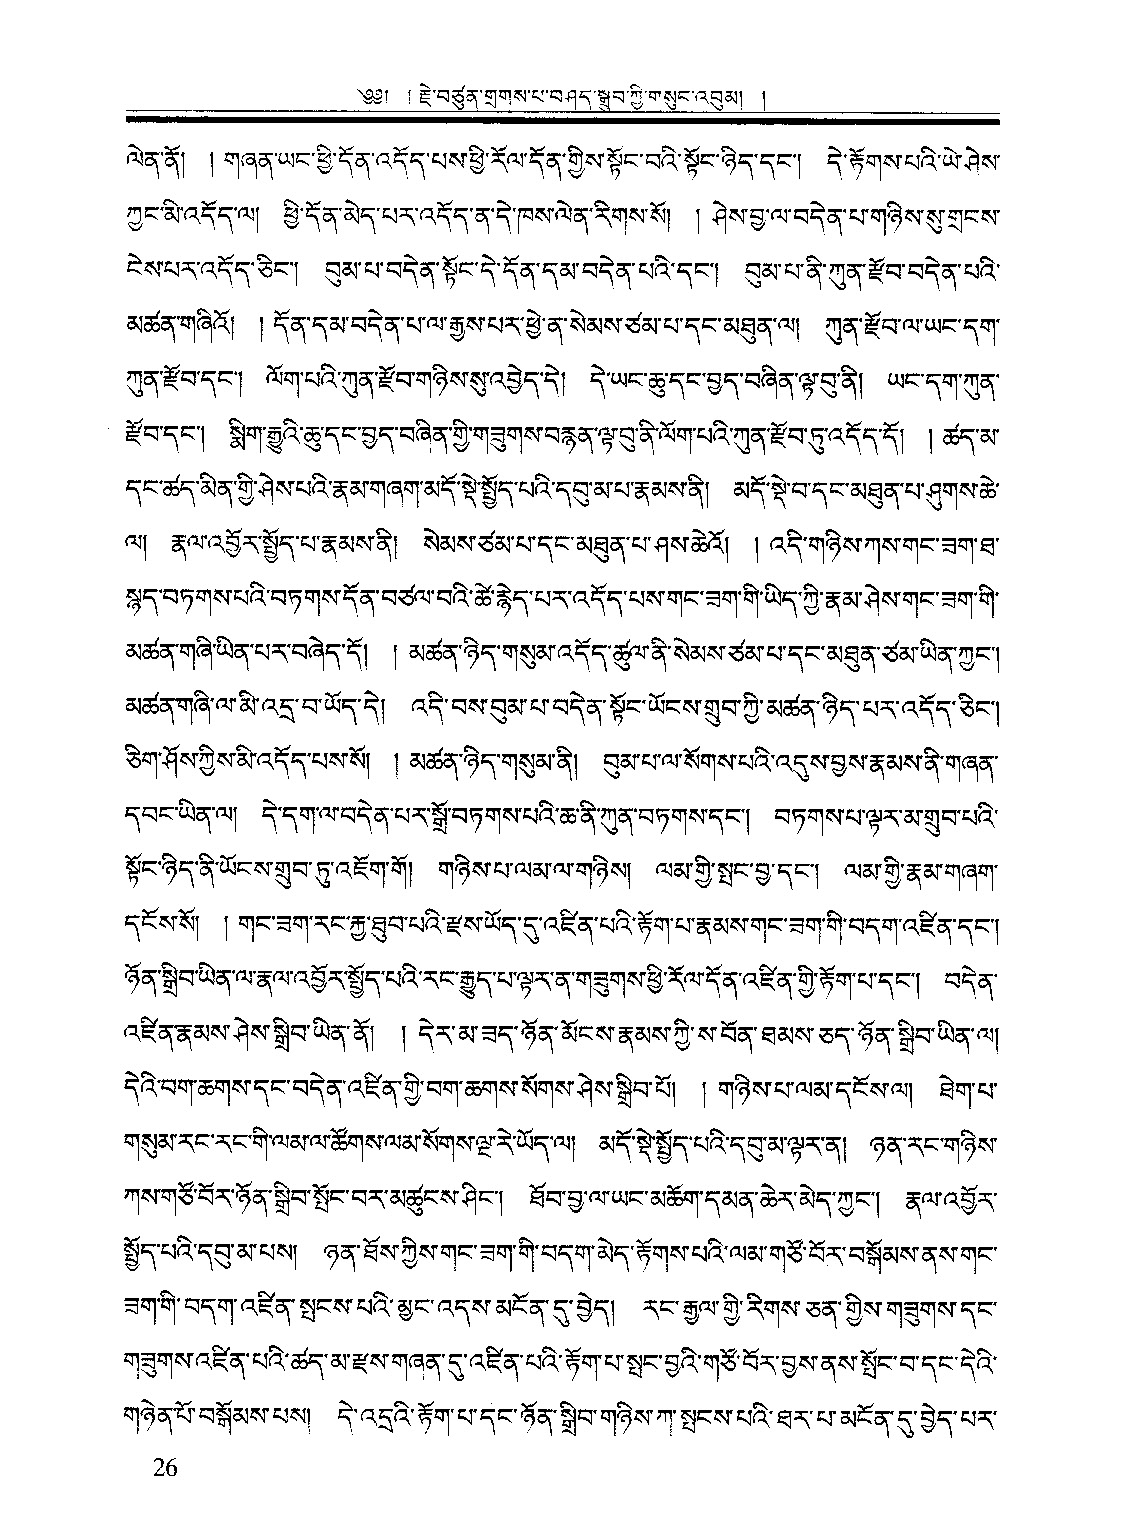ལེན་ནོ། །གཞན་ཡང་ཕྱི་དོན་འདོད་པས་ཕྱི་རོལ་དོན་གྱིས་སྟོང་བའི་སྟོང་ཉིད་དང་། དེ་རྟོགས་པའི་ཡེ་ཤེས་
ཀྱང་མི་འདོད་ལ། ཕྱི་དོན་མེད་པར་འདོད་ན་དེ་ཁས་ལེན་རིགས་སོ། །ཤེས་བྱ་ལ་བདེན་པ་གཉིས་སུ་གྲངས་
ངེས་པར་འདོད་ཅིང་། བུམ་པ་བདེན་སྟོང་དེ་དོན་དམ་བདེན་པའི་དང་། བུམ་པ་ནི་ཀུན་རྫོབ་བདེན་པའི་
མཚན་གཞིའོ། །དོན་དམ་བདེན་པ་ལ་རྒྱས་པར་ཕྱེ་ན་སེམས་ཙམ་པ་དང་མཐུན་ལ། ཀུན་རྫོབ་ལ་ཡང་དག་
ཀུན་རྫོབ་དང་། ལོག་པའི་ཀུན་རྫོབ་གཉིས་སུ་འབྱེད་དེ། དེ་ཡང་ཆུ་དང་བྱད་བཞིན་ལྟ་བུ་ནི། ཡང་དག་ཀུན་
རྫོབ་དང་། སྨིག་རྒྱུའི་ཆུ་དང་བྱད་བཞིན་གྱི་གཟུགས་བརྙན་ལྟ་བུ་ནི་ལོག་པའི་ཀུན་རྫོབ་ཏུ་འདོད་དོ། །ཚད་མ་
དང་ཚད་མིན་གྱི་ཤེས་པའི་རྣམ་གཞག་མདོ་སྡེ་སྤྱོད་པའི་དབུ་མ་པ་རྣམས་ནི། མདོ་སྡེ་བ་དང་མཐུན་པ་ཤུགས་ཆེ་
ལ། རྣལ་འབྱོར་སྤྱོད་པ་རྣམས་ནི། སེམས་ཙམ་པ་དང་མཐུན་པ་ཤས་ཆེའོ། །འདི་གཉིས་ཀས་གང་ཟག་ཐ་
སྙད་བཏགས་པའི་བཏགས་དོན་བཙལ་བའི་ཚེ་རྙེད་པར་འདོད་པས་གང་ཟག་གི་ཡིད་ཀྱི་རྣམ་ཤེས་གང་ཟག་གི་
མཚན་གཞི་ཡིན་པར་བཞེད་དོ། །མཚན་ཉིད་གསུམ་འདོད་ཚུལ་ནི་སེམས་ཙམ་པ་དང་མཐུན་ཙམ་ཡིན་ཀྱང་།
མཚན་གཞི་ལ་མི་འདྲ་བ་ཡོད་དེ། འདི་བས་བུམ་པ་བདེན་སྟོང་ཡོངས་གྲུབ་ཀྱི་མཚན་ཉིད་པར་འདོད་ཅིང་།
ཅིག་ཤོས་ཀྱིས་མི་འདོད་པས་སོ། །མཚན་ཉིད་གསུམ་ནི། བུམ་པ་ལ་སོགས་པའི་འདུས་བྱས་རྣམས་ནི་གཞན་
དབང་ཡིན་ལ། དེ་དག་ལ་བདེན་པར་སྒྲོ་བཏགས་པའི་ཆ་ནི་ཀུན་བཏགས་དང་། བཏགས་པ་ལྟར་མ་གྲུབ་པའི་
སྟོང་ཉིད་ནི་ཡོངས་གྲུབ་ཏུ་འཇོག་གོ། གཉིས་པ་ལམ་ལ་གཉིས། ལམ་གྱི་སྤང་བྱ་དང་། ལམ་གྱི་རྣམ་གཞག་
དངོས་སོ། །གང་ཟག་རང་རྐྱ་ཐུབ་པའི་རྫས་ཡོད་དུ་འཛིན་པའི་རྟོག་པ་རྣམས་གང་ཟག་གི་བདག་འཛིན་དང་།
ཉོན་སྒྲིབ་ཡིན་ལ་རྣལ་འབྱོར་སྤྱོད་པའི་རང་རྒྱུད་པ་ལྟར་ན་གཟུགས་ཕྱི་རོལ་དོན་འཛིན་གྱི་རྟོག་པ་དང་། བདེན་
འཛིན་རྣམས་ཤེས་སྒྲིབ་ཡིན་ནོ། །དེར་མ་ཟད་ཉོན་མོངས་རྣམས་ཀྱི་ས་བོན་ཐམས་ཅད་ཉོན་སྒྲིབ་ཡིན་ལ།
དེའི་བག་ཆགས་དང་བདེན་འཛིན་གྱི་བག་ཆགས་སོགས་ཤེས་སྒྲིབ་པོ། །གཉིས་པ་ལམ་དངོས་ལ། ཐེག་པ་
གསུམ་རང་རང་གི་ལམ་ལ་ཚོགས་ལམ་སོགས་ལྔ་རེ་ཡོད་ལ། མདོ་སྡེ་སྤྱོད་པའི་དབུ་མ་ལྟར་ན། ཉན་རང་གཉིས་
ཀས་གཙོ་བོར་ཉོན་སྒྲིབ་སྤོང་བར་མཚུངས་ཤིང་། ཐོབ་བྱ་ལ་ཡང་མཆོག་དམན་ཆེར་མེད་ཀྱང་། རྣལ་འབྱོར་
སྤྱོད་པའི་དབུ་མ་པས། ཉན་ཐོས་ཀྱིས་གང་ཟག་གི་བདག་མེད་རྟོགས་པའི་ལམ་གཙོ་བོར་བསྒོམས་ནས་གང་
ཟག་གི་བདག་འཛིན་སྤངས་པའི་མྱང་འདས་མངོན་དུ་བྱེད། རང་རྒྱལ་གྱི་རིགས་ཅན་གྱིས་གཟུགས་དང་
གཟུགས་འཛིན་པའི་ཚད་མ་རྫས་གཞན་དུ་འཛིན་པའི་རྟོག་པ་སྤང་བྱའི་གཙོ་བོར་བྱས་ནས་སྤོང་བ་དང་དེའི་
གཉེན་པོ་བསྒོམས་པས། དེ་འདྲའི་རྟོག་པ་དང་ཉོན་སྒྲིབ་གཉིས་ཀ་སྤངས་པའི་ཐར་པ་མངོན་དུ་བྱེད་པར་